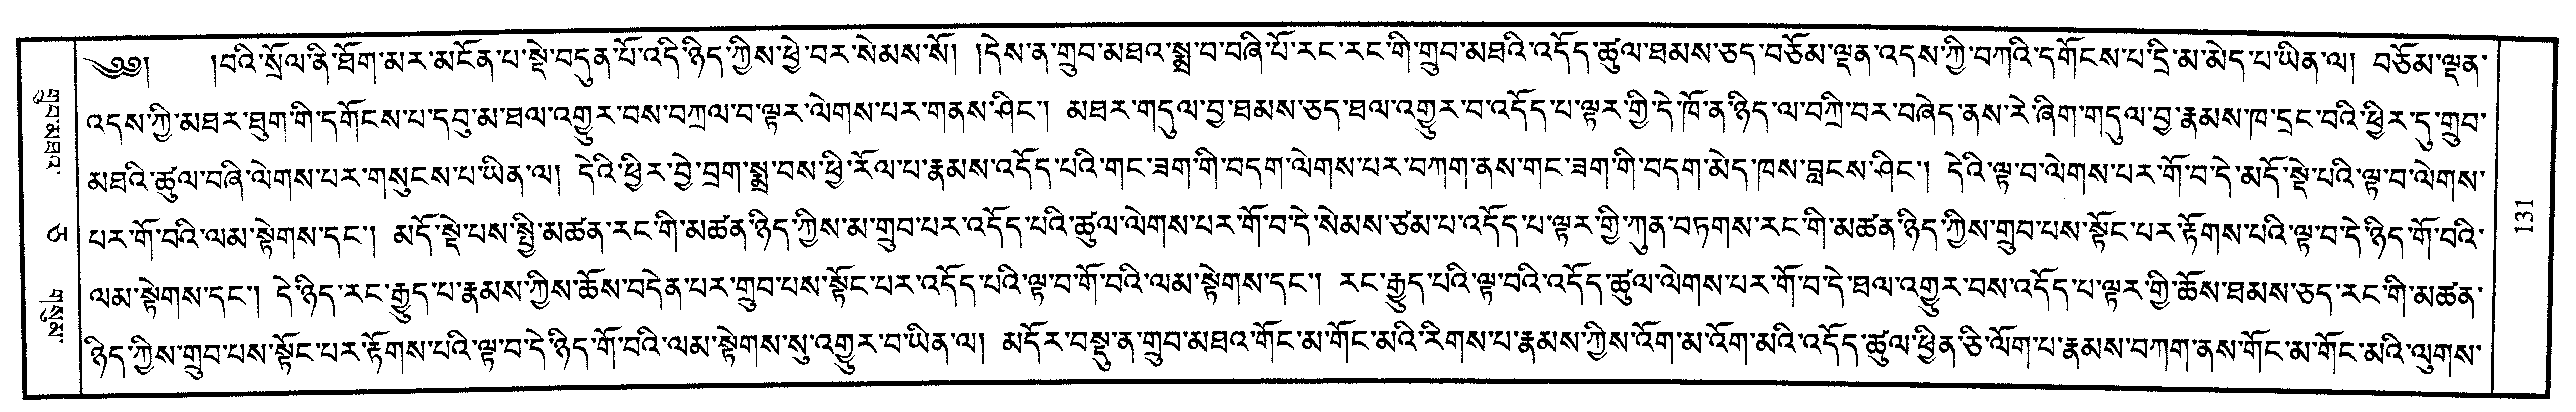༄༅། །བའི་སྲོལ་ནི་ཐོག་མར་མངོན་པ་སྡེ་བདུན་པོ་འདི་ཉིད་ཀྱིས་ཕྱེ་བར་སེམས་སོ། །དེས་ན་གྲུབ་མཐའ་སྨྲ་བ་བཞི་པོ་རང་རང་གི་གྲུབ་མཐའི་འདོད་ཚུལ་ཐམས་ཅད་བཅོམ་ལྡན་འདས་ཀྱི་བཀའི་དགོངས་པ་དྲི་མ་མེད་པ་ཡིན་ལ། བཅོམ་ལྡན་
འདས་ཀྱི་མཐར་ཐུག་གི་དགོངས་པ་དབུ་མ་ཐལ་འགྱུར་བས་བཀྲལ་བ་ལྟར་ལེགས་པར་གནས་ཤིང་། མཐར་གདུལ་བྱ་ཐམས་ཅད་ཐལ་འགྱུར་བ་འདོད་པ་ལྟར་གྱི་དེ་ཁོ་ན་ཉིད་ལ་བཀྲི་བར་བཞེད་ནས་རེ་ཞིག་གདུལ་བྱ་རྣམས་ཁ་དྲང་བའི་ཕྱིར་དུ་གྲུབ་
མཐའི་ཚུལ་བཞི་ལེགས་པར་གསུངས་པ་ཡིན་ལ། དེའི་ཕྱིར་བྱེ་བྲག་སྨྲ་བས་ཕྱི་རོལ་པ་རྣམས་འདོད་པའི་གང་ཟག་གི་བདག་ལེགས་པར་བཀག་ནས་གང་ཟག་གི་བདག་མེད་ཁས་བླངས་ཤིང་། དེའི་ལྟ་བ་ལེགས་པར་གོ་བ་དེ་མདོ་སྡེ་པའི་ལྟ་བ་ལེགས་
པར་གོ་བའི་ལམ་སྟེགས་དང་། མདོ་སྡེ་པས་སྤྱི་མཚན་རང་གི་མཚན་ཉིད་ཀྱིས་མ་གྲུབ་པར་འདོད་པའི་ཚུལ་ལེགས་པར་གོ་བ་དེ་སེམས་ཙམ་པ་འདོད་པ་ལྟར་གྱི་ཀུན་བཏགས་རང་གི་མཚན་ཉིད་ཀྱིས་གྲུབ་པས་སྟོང་པར་རྟོགས་པའི་ལྟ་བ་དེ་ཉིད་གོ་བའི་
ལམ་སྟེགས་དང་། དེ་ཉིད་རང་རྒྱུད་པ་རྣམས་ཀྱིས་ཆོས་བདེན་པར་གྲུབ་པས་སྟོང་པར་འདོད་པའི་ལྟ་བ་གོ་བའི་ལམ་སྟེགས་དང་། རང་རྒྱུད་པའི་ལྟ་བའི་འདོད་ཚུལ་ལེགས་པར་གོ་བ་དེ་ཐལ་འགྱུར་བས་འདོད་པ་ལྟར་གྱི་ཆོས་ཐམས་ཅད་རང་གི་མཚན་
ཉིད་ཀྱིས་གྲུབ་པས་སྟོང་པར་རྟོགས་པའི་ལྟ་བ་དེ་ཉིད་གོ་བའི་ལམ་སྟེགས་སུ་འགྱུར་བ་ཡིན་ལ། མདོར་བསྡུ་ན་གྲུབ་མཐའ་གོང་མ་གོང་མའི་རིགས་པ་རྣམས་ཀྱིས་འོག་མ་འོག་མའི་འདོད་ཚུལ་ཕྱིན་ཅི་ལོག་པ་རྣམས་བཀག་ནས་གོང་མ་གོང་མའི་ལུགས་